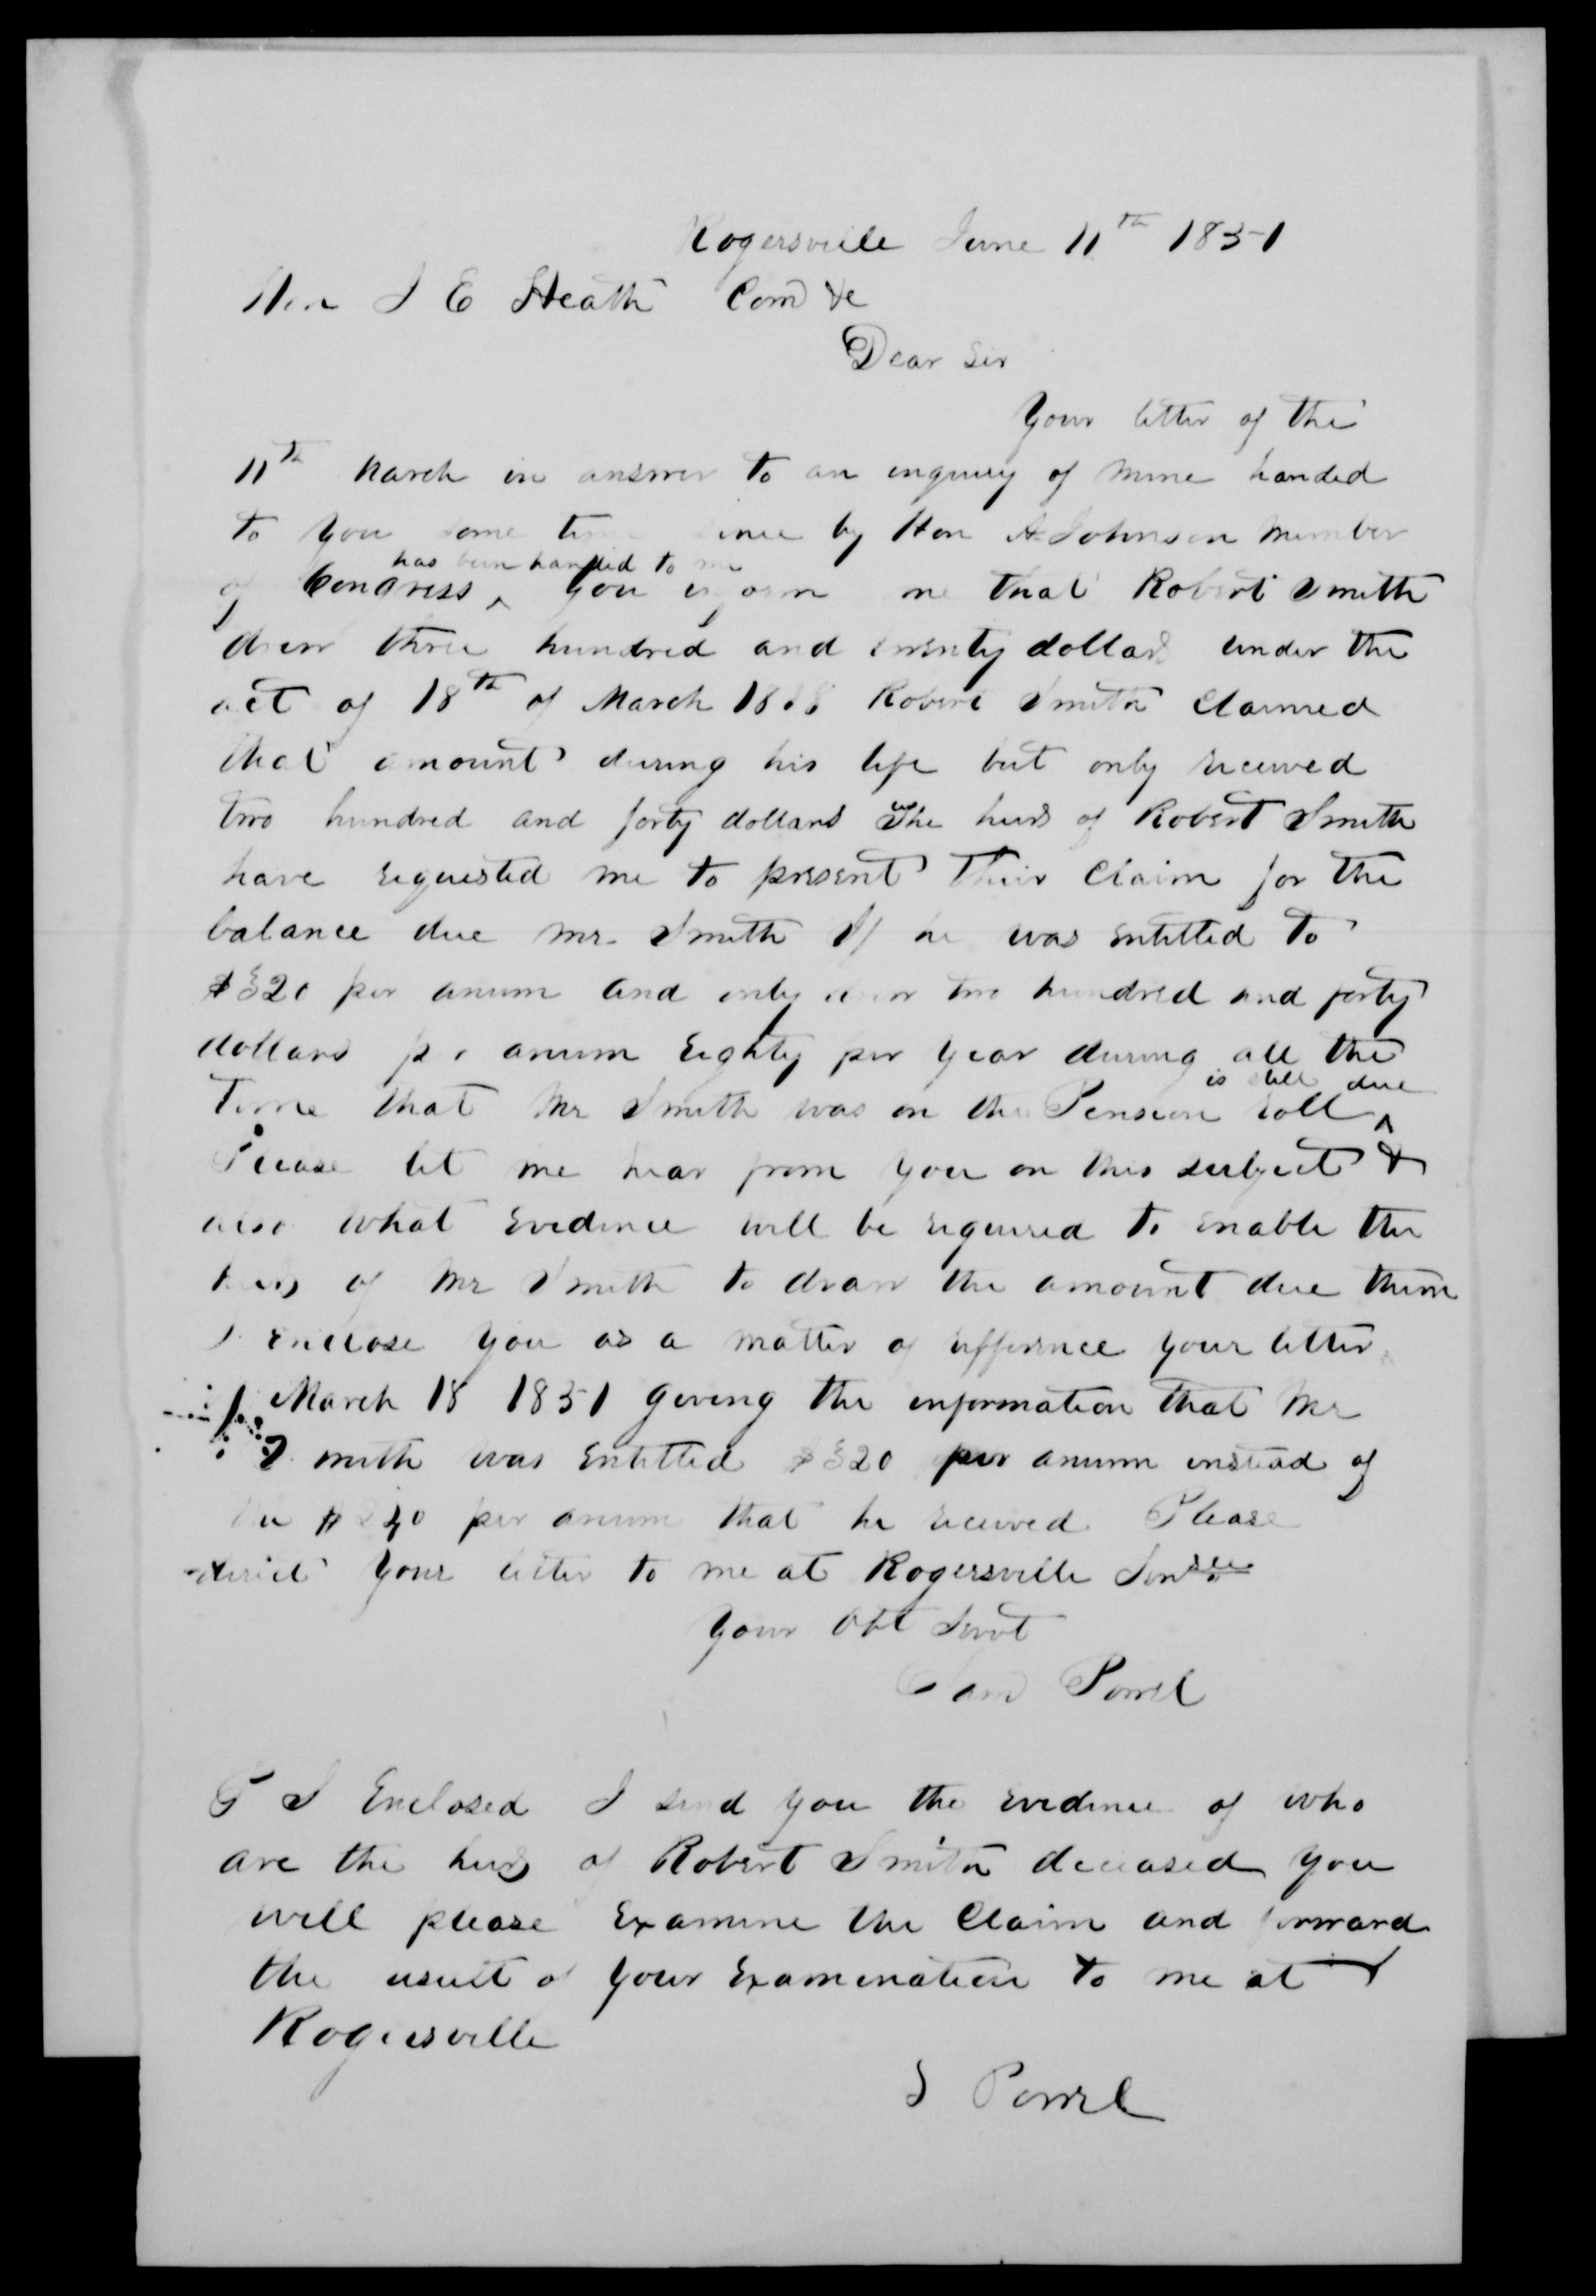Rogersville  June 11th 1851
Hon J. E. Heath  Com &c
Dear Sir
Your letter of this 11th March in answer to an inquiry of mine handed to you some time since by Hon A. Johnson member of Congress has been handed to me. You inform me that Robert Smith drew three hundred and twenty dollars under the act of 18th of March 1818  Robert Smith claimed that amount during his life but only received two hundred and forty dollars. The heirs of Robert Smith have requested me to present their claim for the balance due Mr. Smith. If he was entitled to $320 per annum and only drew two hundred and forty dollars per annum Eighty per year during all the Time that Mr Smith was on the Pension roll is over due  Please let me hear from you on this subject & also what Evidence will be required to Enable the heirs of Mr Smith to draw the amount due them. I Enclose you as a matter of refference your letter of March 18 1851 giving the information that Mr Smith was Entitled $320 per annum instead of the $240 per anum that he received. Please direct your letter to me at Rogersville Tensee.
Your Obt Servt
Sam Powel

P S  Enclosed I send you the Evidence of who are the heirs of Robert Smith deceased. You will please Examine the claim and forward the result of your Examination to me at Rogersville
S Powel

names: Robert Smith; Sam Powel; [BLANK] Smith; Robert Smith; [BLANK] Smith; [BLANK] Smith; S Powel; A Johnson; Robert Smith; J E Heath; [BLANK] Smith; Robert Smith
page: 64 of 79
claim: widow's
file: W. 1504, for Robert Smith, North Carolina